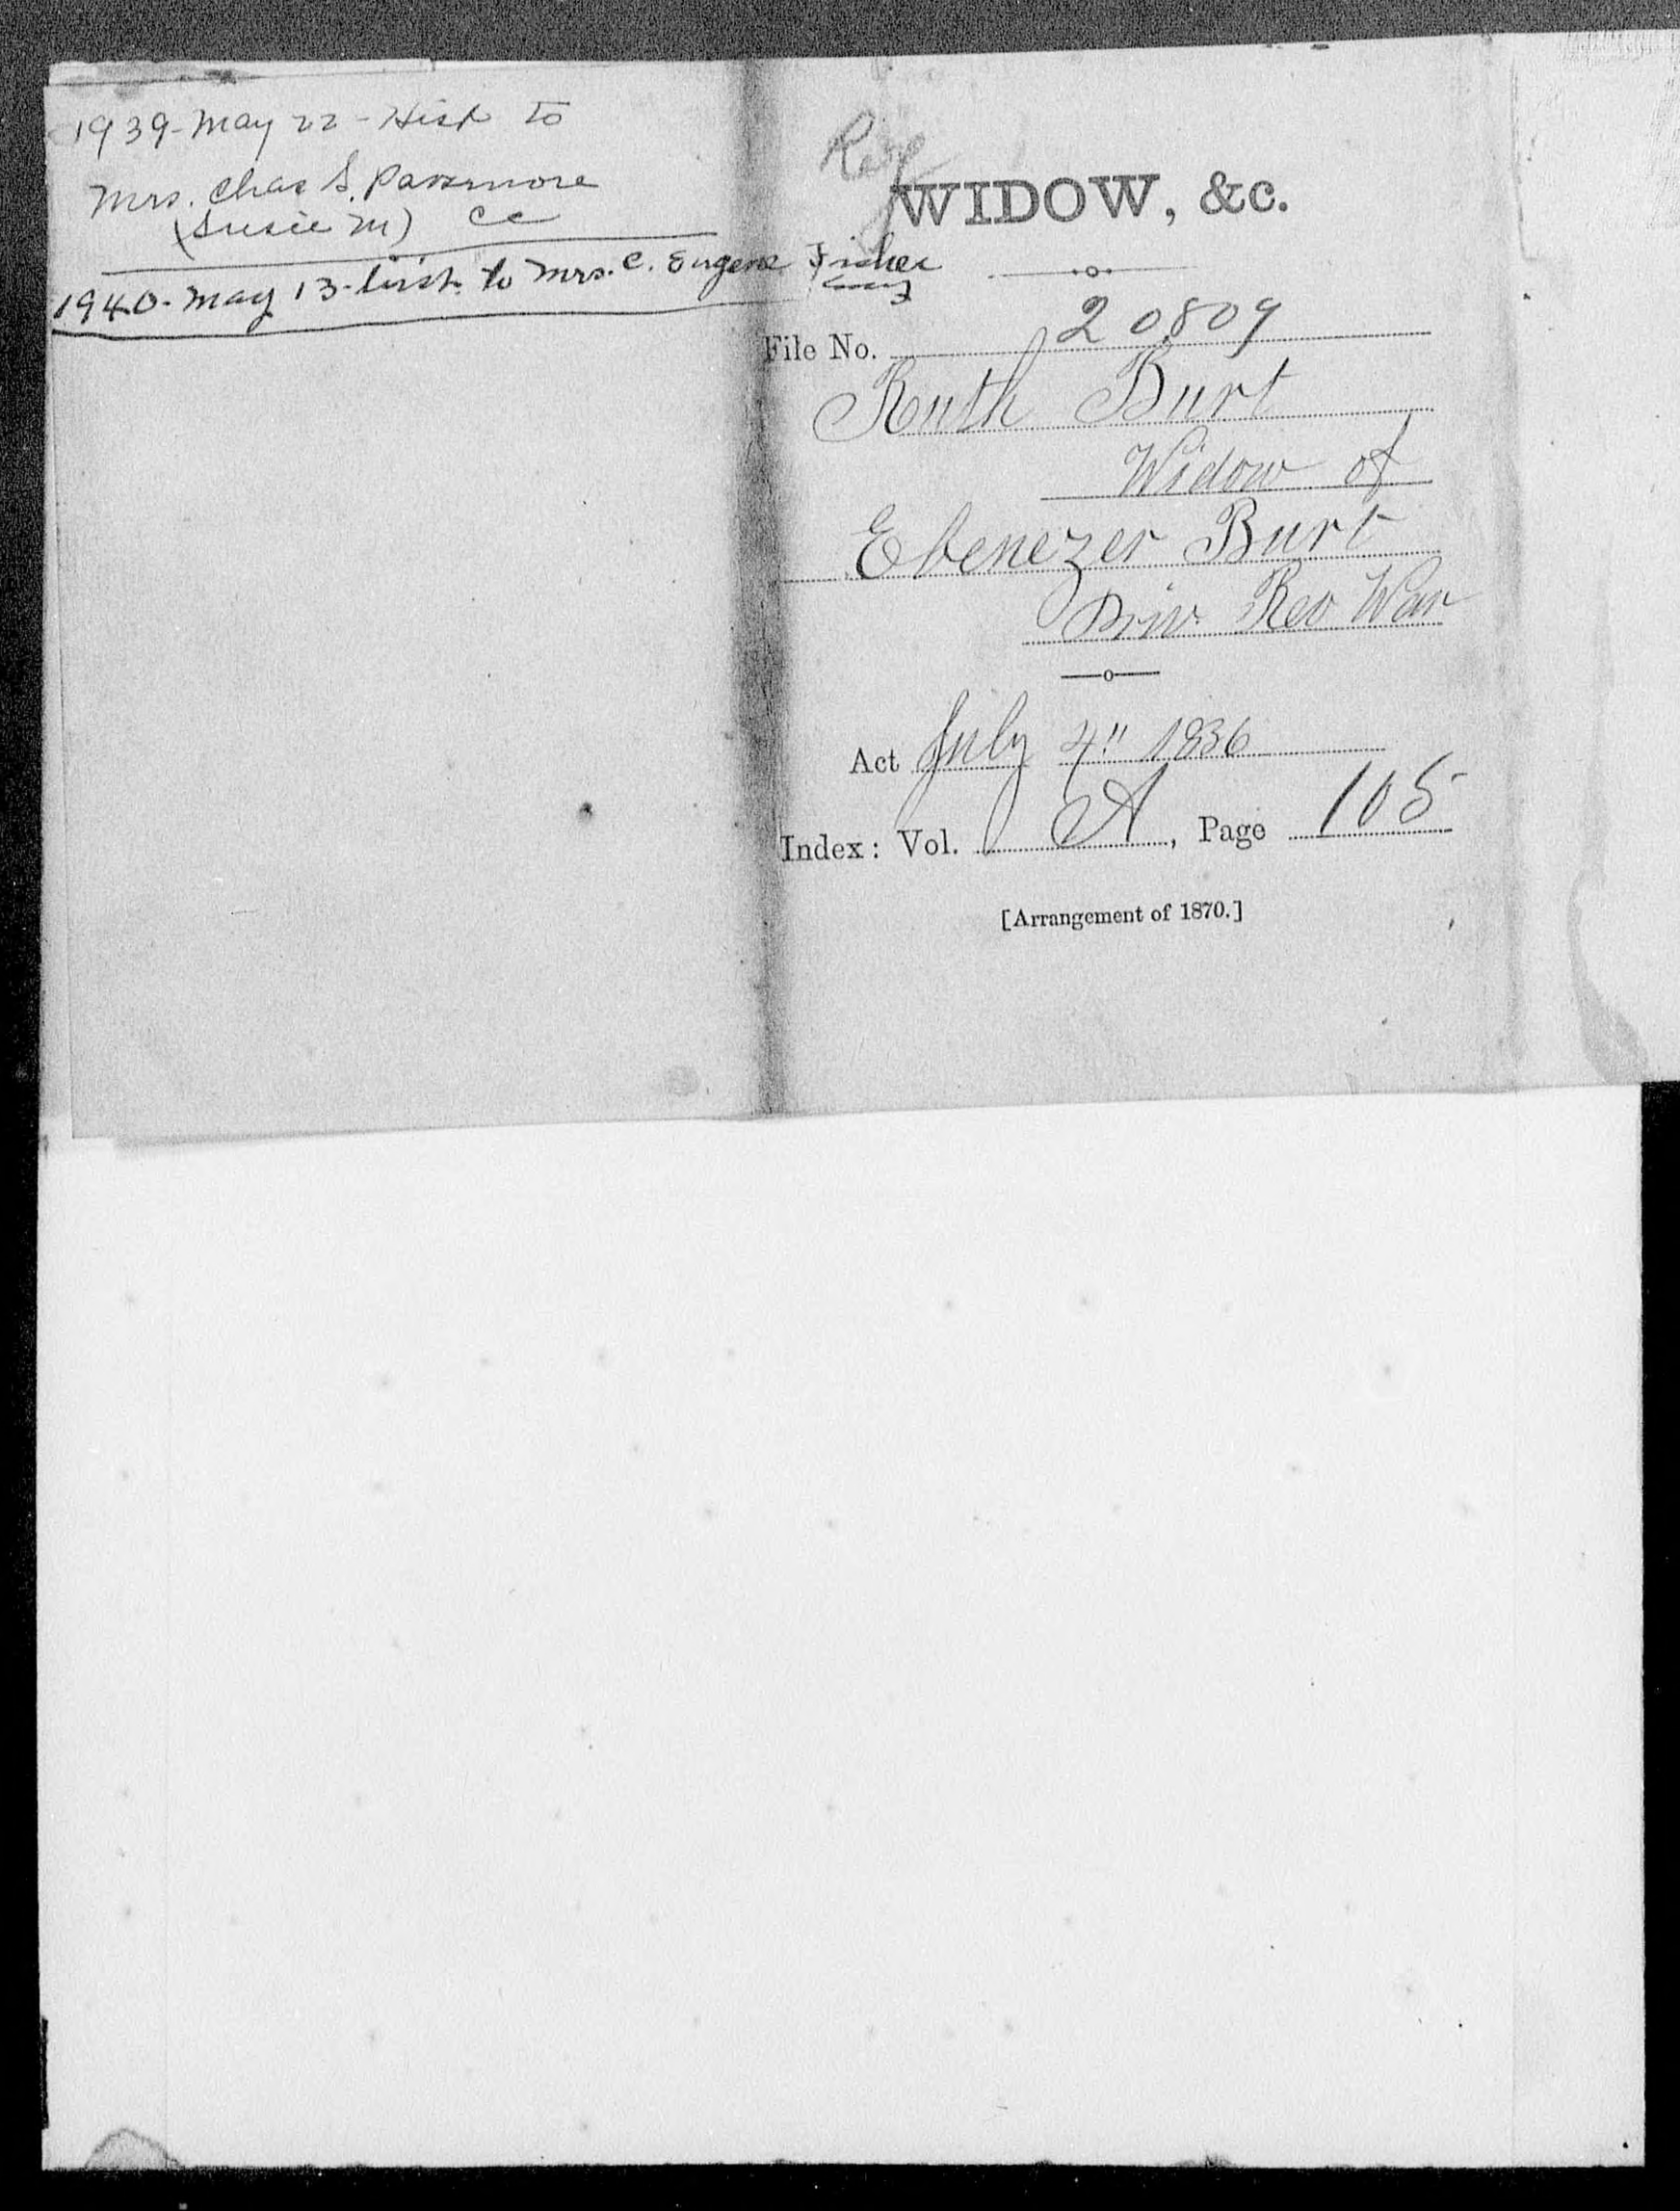Left side of document

1939 May 22 Hist to Mrs. Chas S. Passmore (Susie M) 

1940 May 13 Hist to Mrs. C. Eugene Fisher 

Right side of document

WIDOW, &C.
File No. 20809

Ruth Burt 
Widow of 
Ebenezer Burt
Priv Rev War

Act July 4, 1836
Index: Vol. A, Page 105

(Arrangement of 1870)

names: Chas S Passmore, Ebenezer Burt, Ruth Burt, C Eugene Fisher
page: 7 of 17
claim: widow's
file: W. 20809, Ebenezer Burt, Mass.